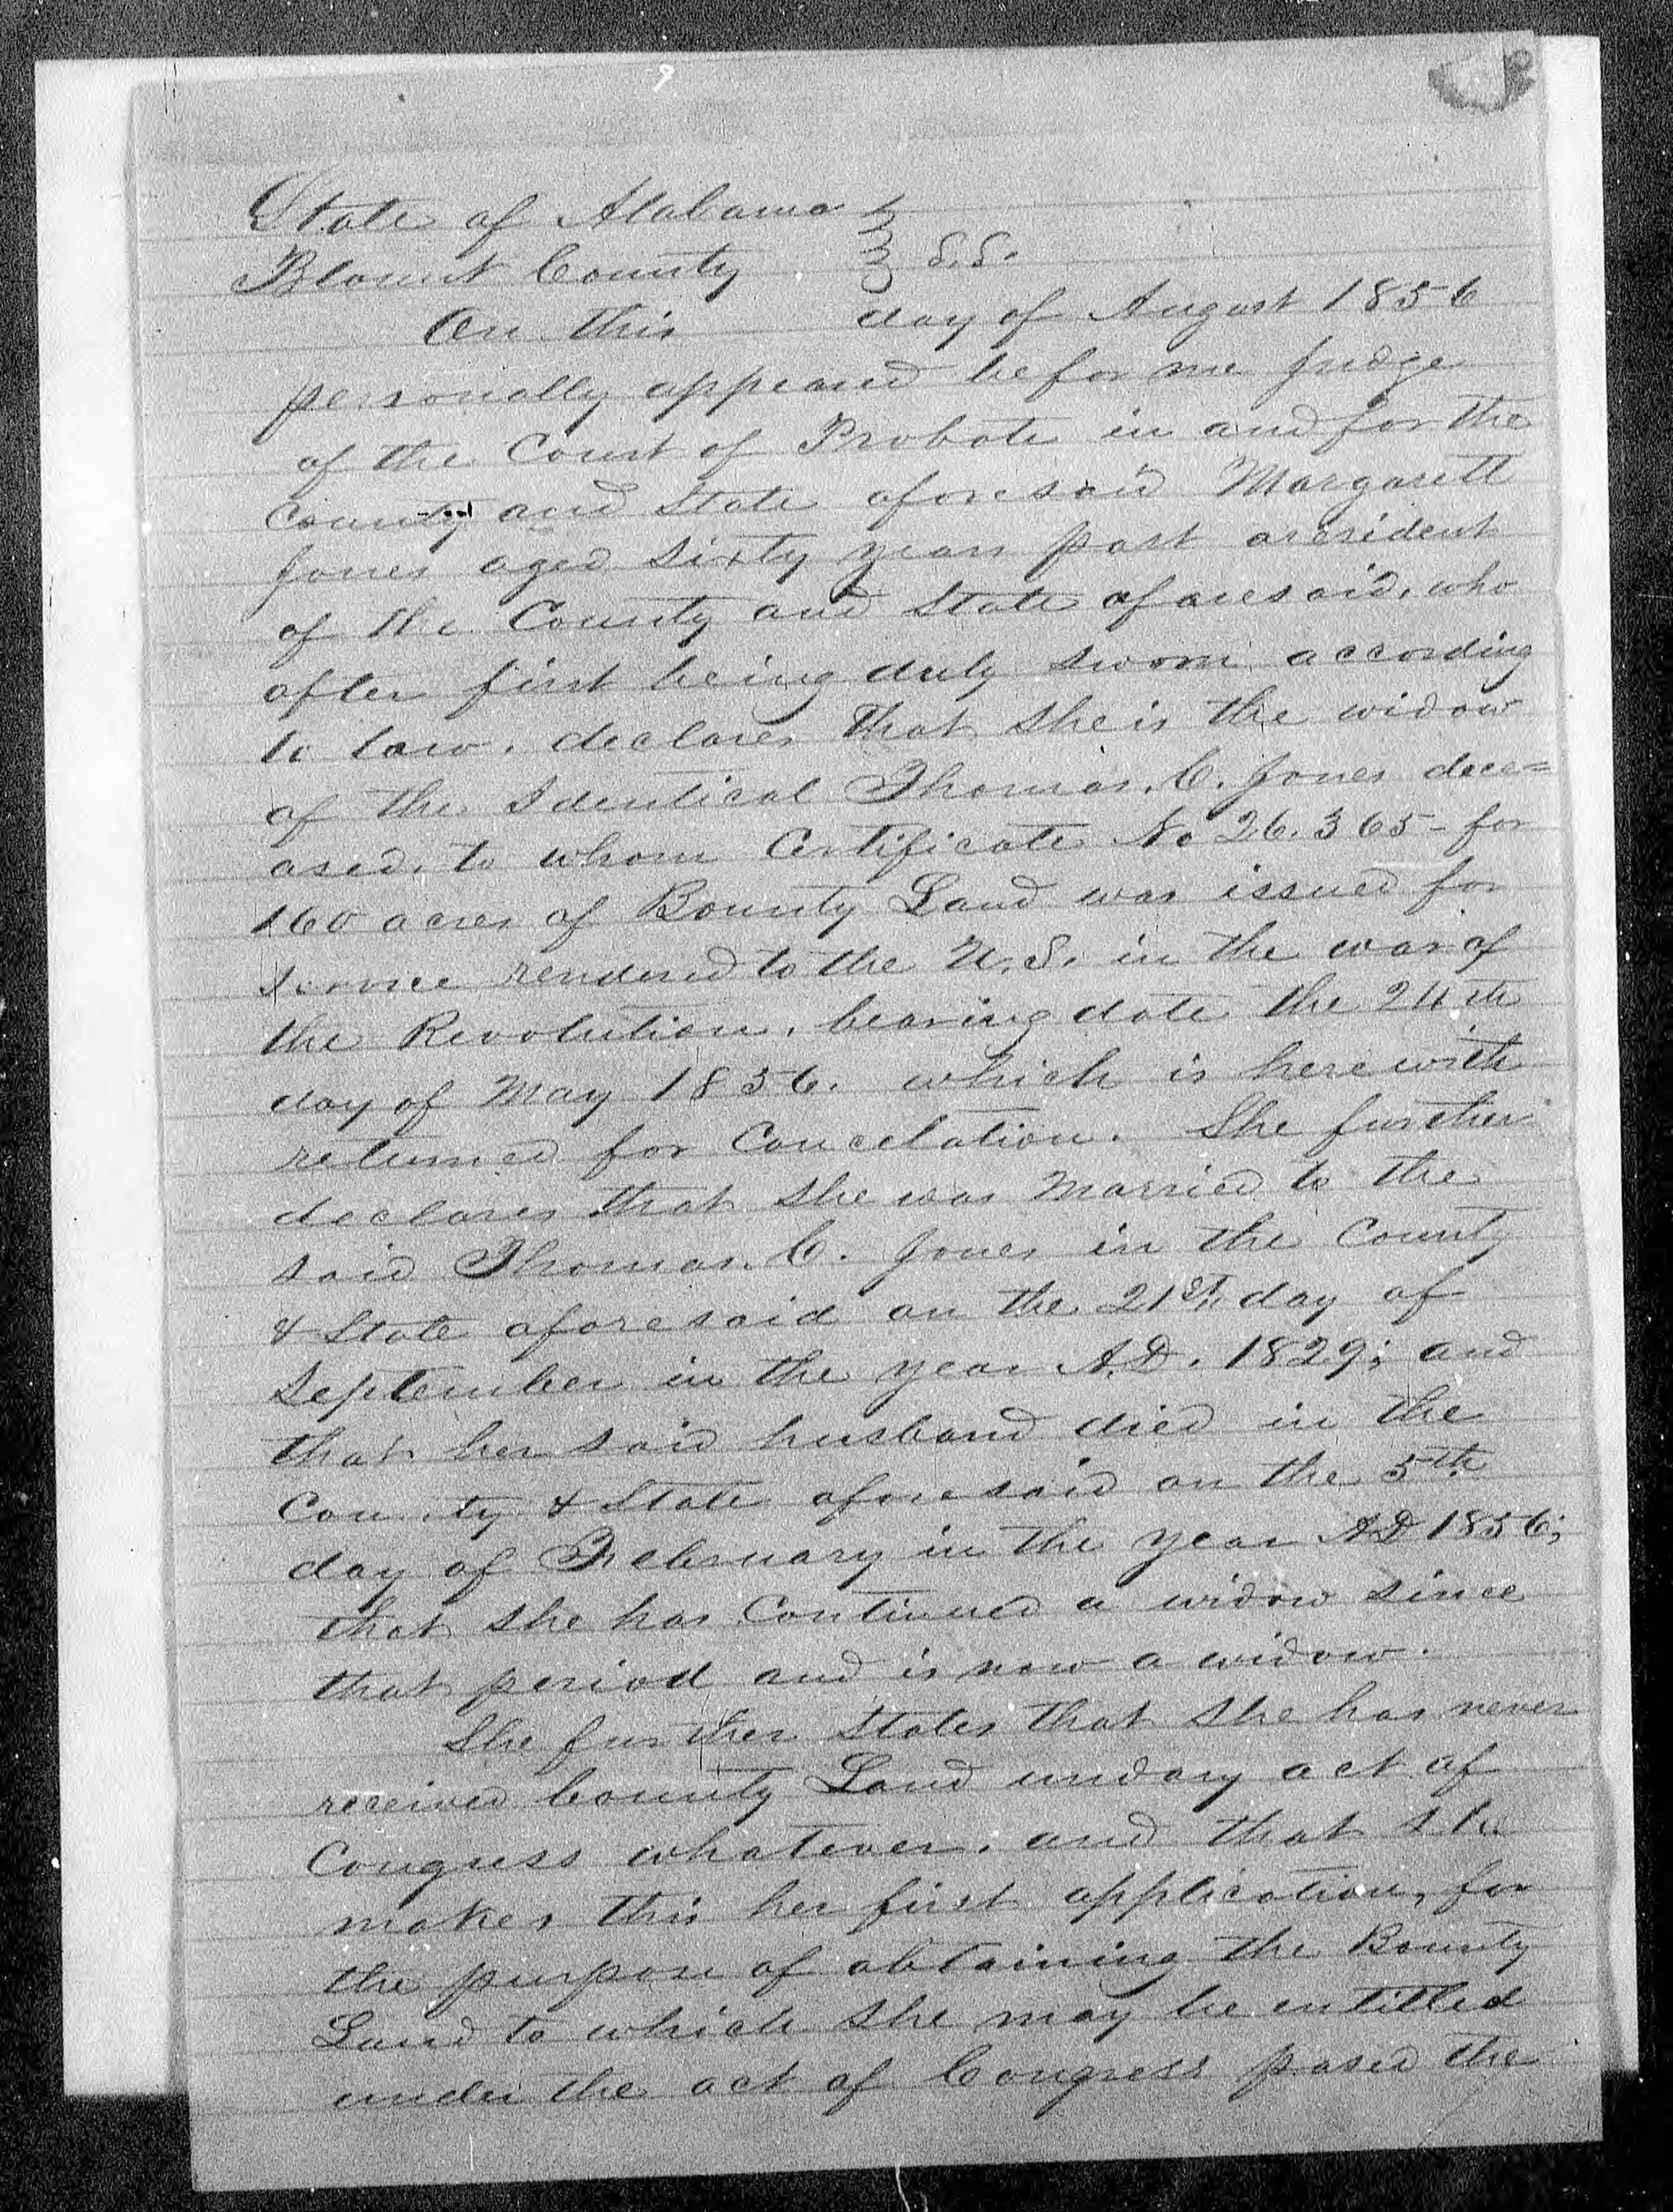State of Alabama
Blount County        S.S.
On this ___ day of August 1856
personally appeared before me Judge
of the Court of Probate in and for the
County and State aforesaid Margarett
Jones aged sixty years past a resident
of the County and State aforesaid who
after first being duly sworn according
to law declares that she is the widow
of the identical Thomas C. Jones, deceased,
to whom Certificate No. 26.365 for 
160 acres of Bounty Land was issued for
service rendered to the U.S. in the war of
the Revolution, bearing date the 24th
day of May 1856, which is herewith
returned for cancelation.  She further declares that she was married to the
said Thomas C. Jones in the County 
& State aforesaid on the 21st day of 
September in the year A.D. 1829; and
that her said husband died in the 
County & State aforesaid on the 5th
day of February in the year A.D. 1856;
that she has continued a widow since
that period and is now a widow.
She further states that she has never
received bounty Land under act of 
Congress whatever and that she 
makes this her first application for 
the purpose of obtaining the Bounty
Land to which she may be entitled
under the act of Congress pased [passed] this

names: Thomas C Jones; Margarett Jones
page: 19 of 45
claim: widow's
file: W. 26160, for Thomas C Jones, Georgia